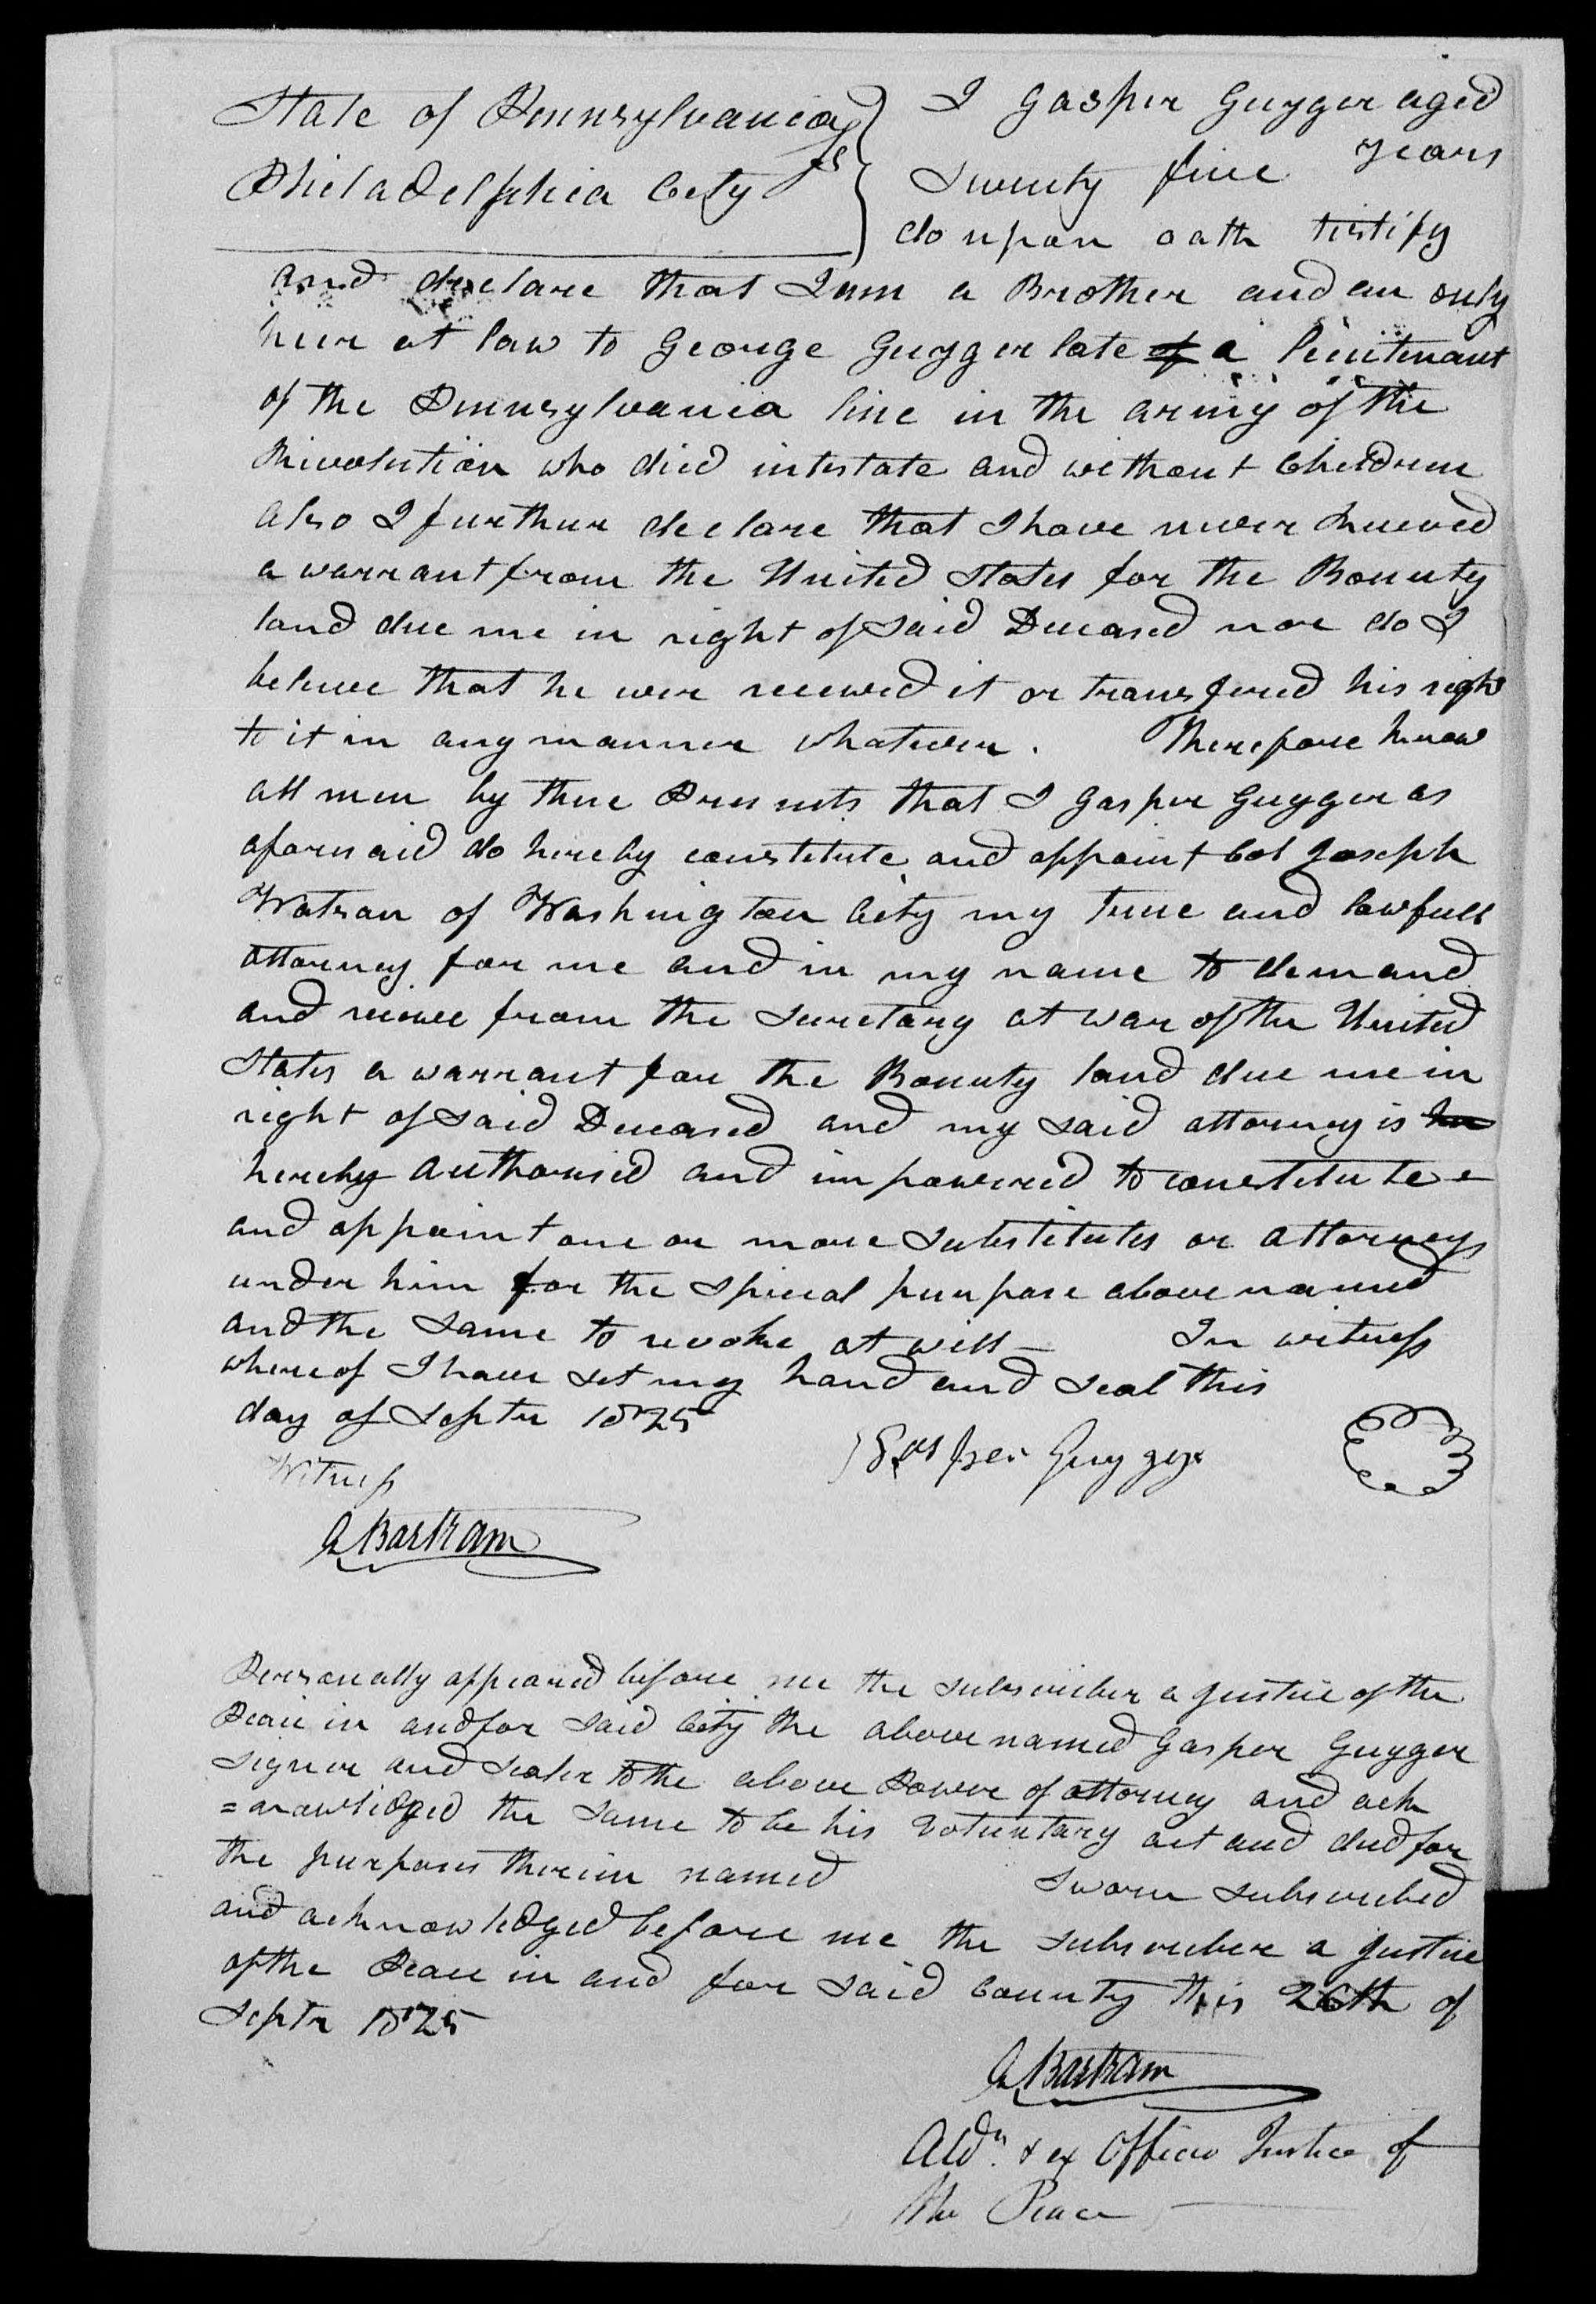State of Pennsylvania
Philadelphia County

I Gasper Guyger aged seventy five years do under oath testify and declare that I'm a brother and an only heir at law to George Guyger late a Lieutenant of the Pennsylvania line in the army of the Revolution who died intestate and without children.  Also, I further declare that I have never received a warrant from the United States for the bounty land due me in right of said deceased nor do I believe that he received it or transferred his right to it in any manner whatever.  Therefore know all men by these presents that I Gasper Guyger as aforesaid do hereby constitute and appoint Col Joseph Watran of Washington City my true and lawfull attorney for me and in my name to demand and receive from the Secretary at war of the United States a warrant for the bounty land due me in right of said deceased and my said attorney is hereby authorized and impowered to constitute and appoint one or more substitutes or attorneys under him for the special purpose above named and the same to revoke at will.

In witness of where of I have set my hand and seal this day of September 1825.
Gasper Guyger

Witness 
J Bartram

Personally appeared before me the subscriber a Justice of the Peace in and for said Cty the above named Gasper Guyger signer and sealer to the above power of attorney and acknowledged the same to be his voluntary act and deed for the purposes therein named Sworn subscribed and acknowledged before me the subscriber a Justice of the Peace in and for said County this 26th of  Septr 1825 
G. Bartram 
Aldn and Ex Officio Justice of the Peace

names: G Bartram, Gasper Guygys, Joseph Watran, Gasper Guyger, George Guyger, Gasper Guyger, Gasper Guyger, G Bartram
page: 3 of 5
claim: bounty land warrant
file: B.L.Wt. 1135-200, George Guyger, Penn.